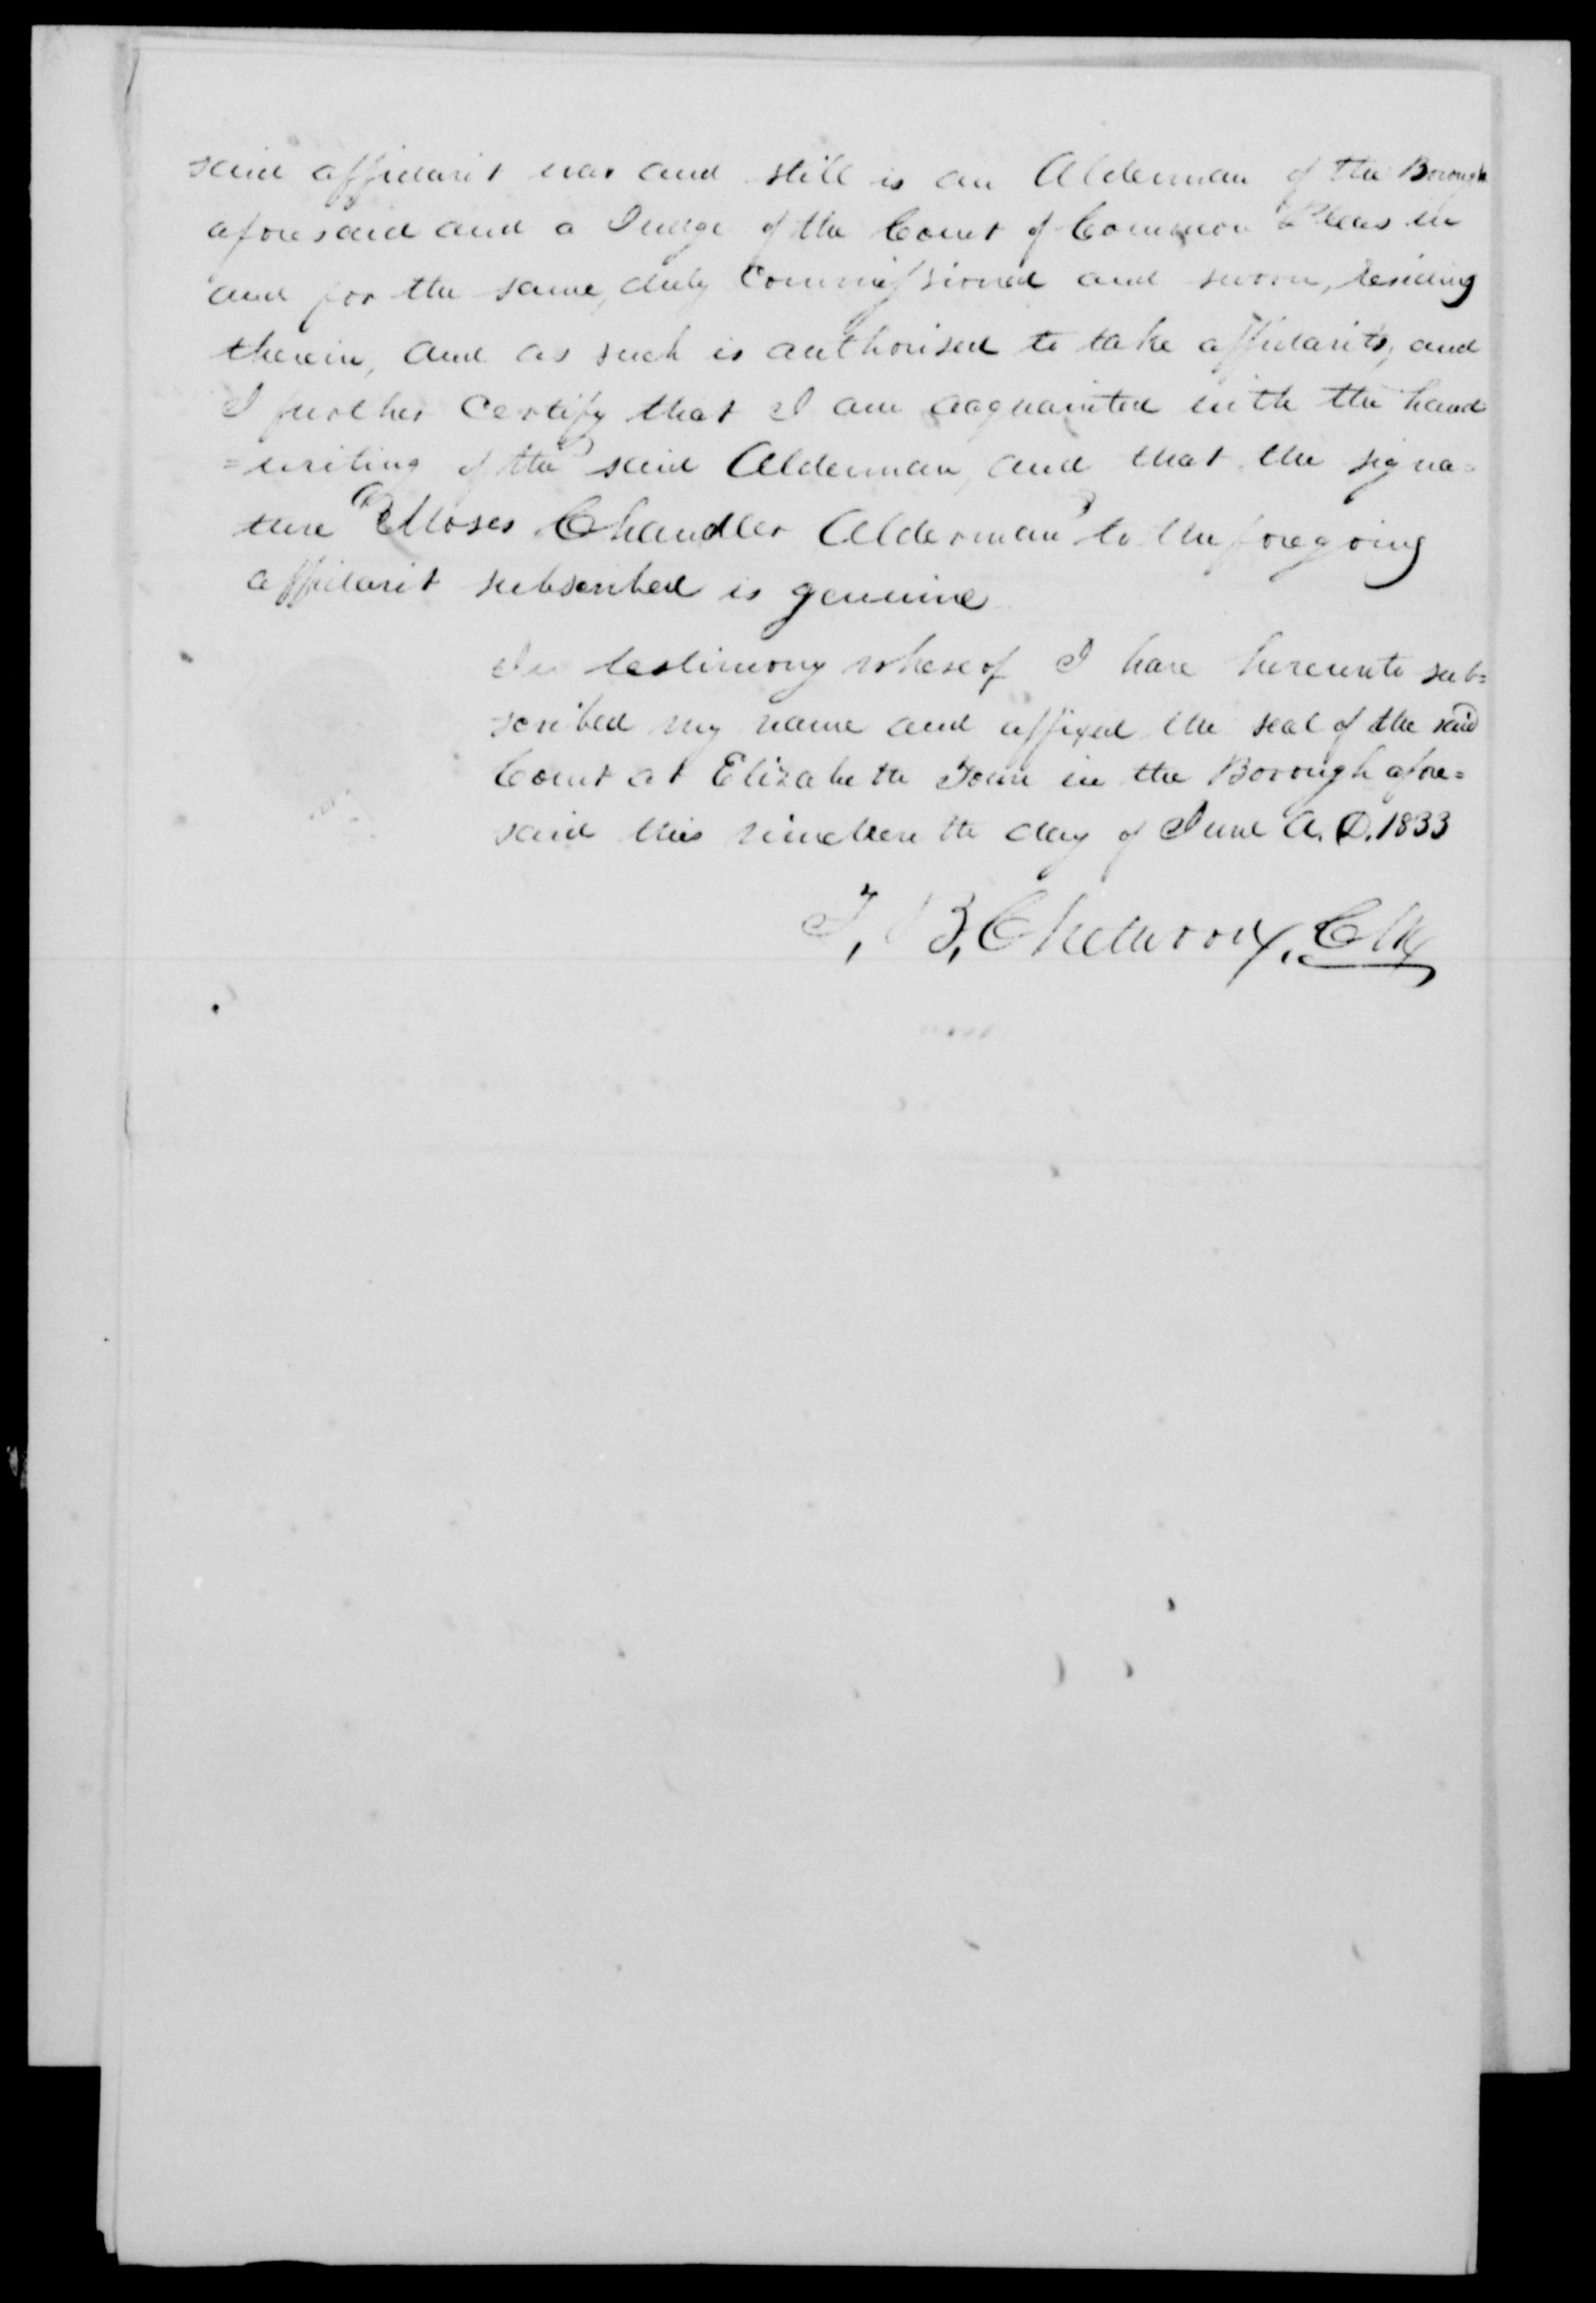said affidavit was and still is an Alderman of the Borough aforesaid and a Judge of the Court of Common Pleas in and for the same duly commissioned and sworn, residing therein, and as such is authorised to take affidavits, and I further certify that I am acquainted with the handwriting of the said Alderman, and that the signature Moses Chandler Alderman to the foregoing affidavit subscribed is genuine.

In testimony whereof I have hereunto subscribed my name and affixed the seal of the said Court at Elizabeth Town in the Borough aforesaid this nineteenth day of June A.D. 1833
F.B. Chetwood, Clk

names: F B Chetwood; Moses Chandler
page: 27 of 44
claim: survivor's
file: S. 912, for Samuel Shipman, New Jersey